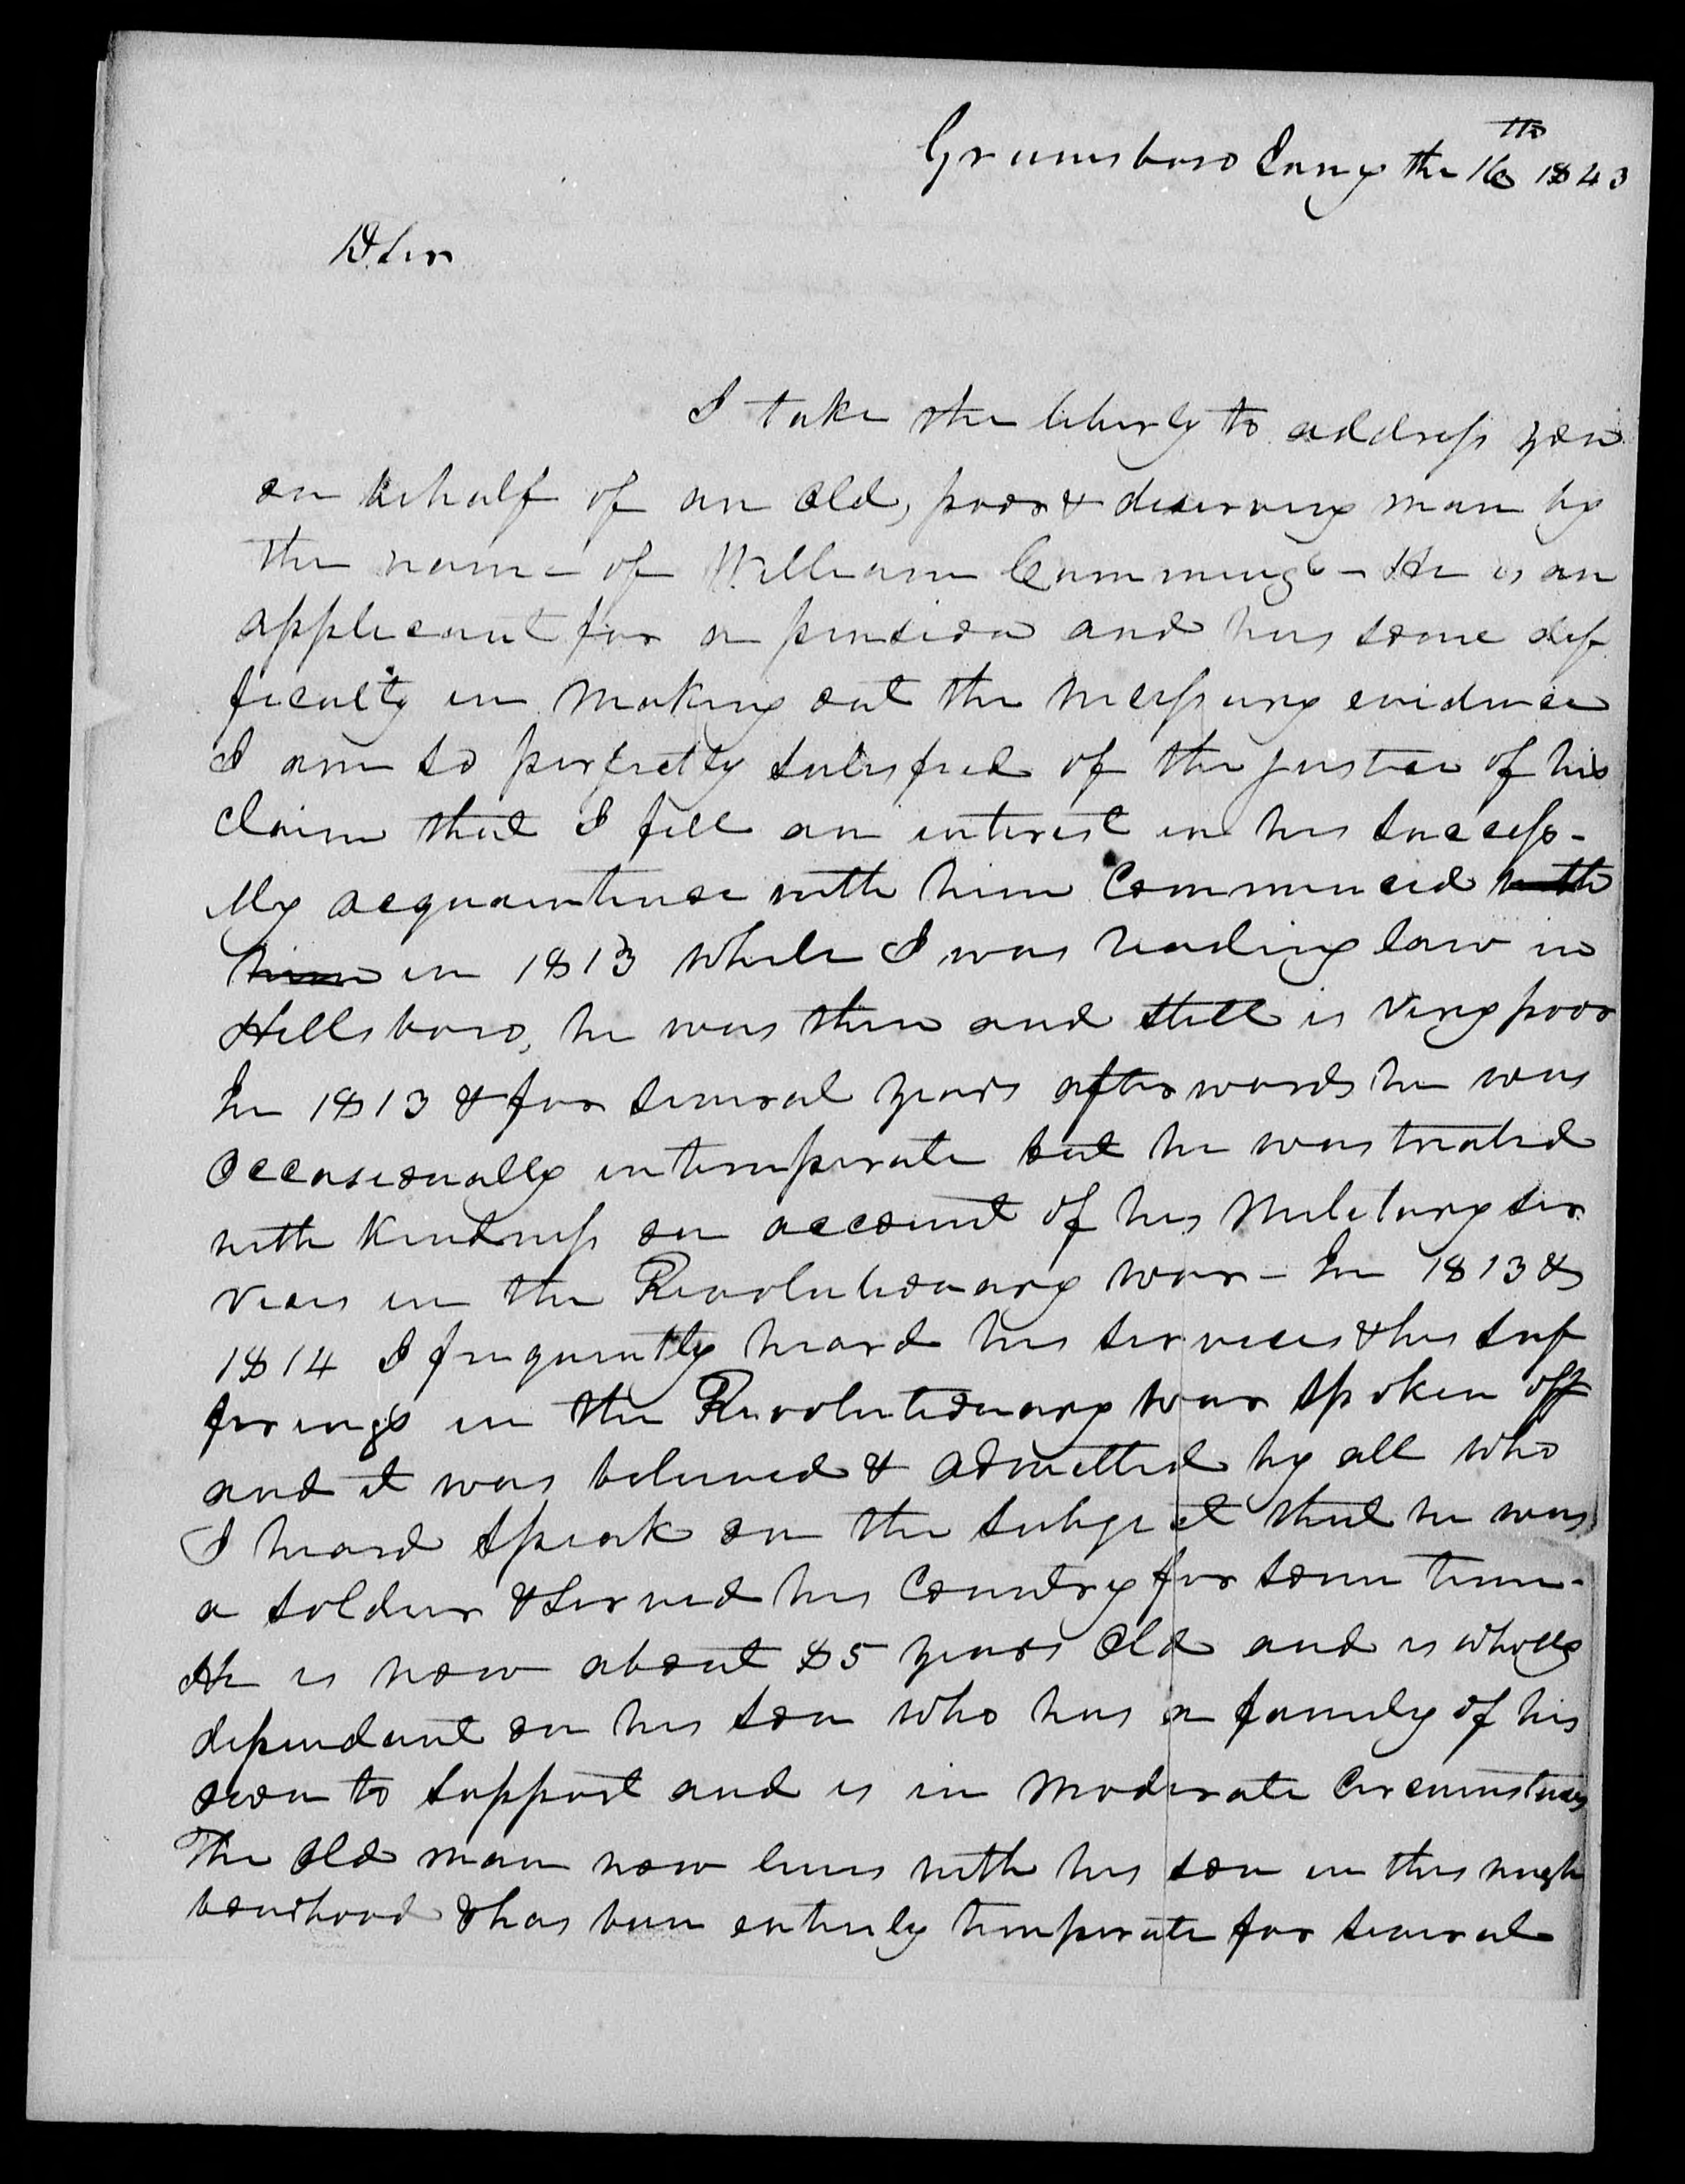[Handwritten letter.  Occasional spacing has been included to make the long text block easier to read.]

Greensboro [?] Jnny [possibly meaning Jany or January] the 16th 1843

D.Sir [Dear Sir]

I take the liberty to address you on behalf of an old, poor and deserving man by the name of William Cumming [or Cummings] -  He is an applicant for a pension and has some difficulty in Making out the Necessary evidence

I am So perfectly Satisfied of the Justice of his claim that I fill [feel] an interest in his Success - My acquaintance with him Commenced [here the second written phrase "with him" was crossed through] in 1813 while I was reading law in Hillsboro, he was then and Still is Very poor

In 1813 and for several years afterwards, he was Occasionally intemperate but he was treated with Kindness, on account of his Military Services in the Revolutionary war -

In 1813 and 1814 I frequently heard his Services and his Sufferings in the Revolutionary War Spoken off [of] and it was believed and Admitted by all who I heard Speak on the Subject that he was a Soldier and Served his Country for some time -

He is now about 85 years Old and is wholly dependent on his Son who has a family of his own to Support and is in moderate Circumstances   The old man now lives with his son in this neighborhood and has been entirely temperate for Several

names: William Cummings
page: 31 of 145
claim: survivor's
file: S. 8265, William Cumming, N.C.